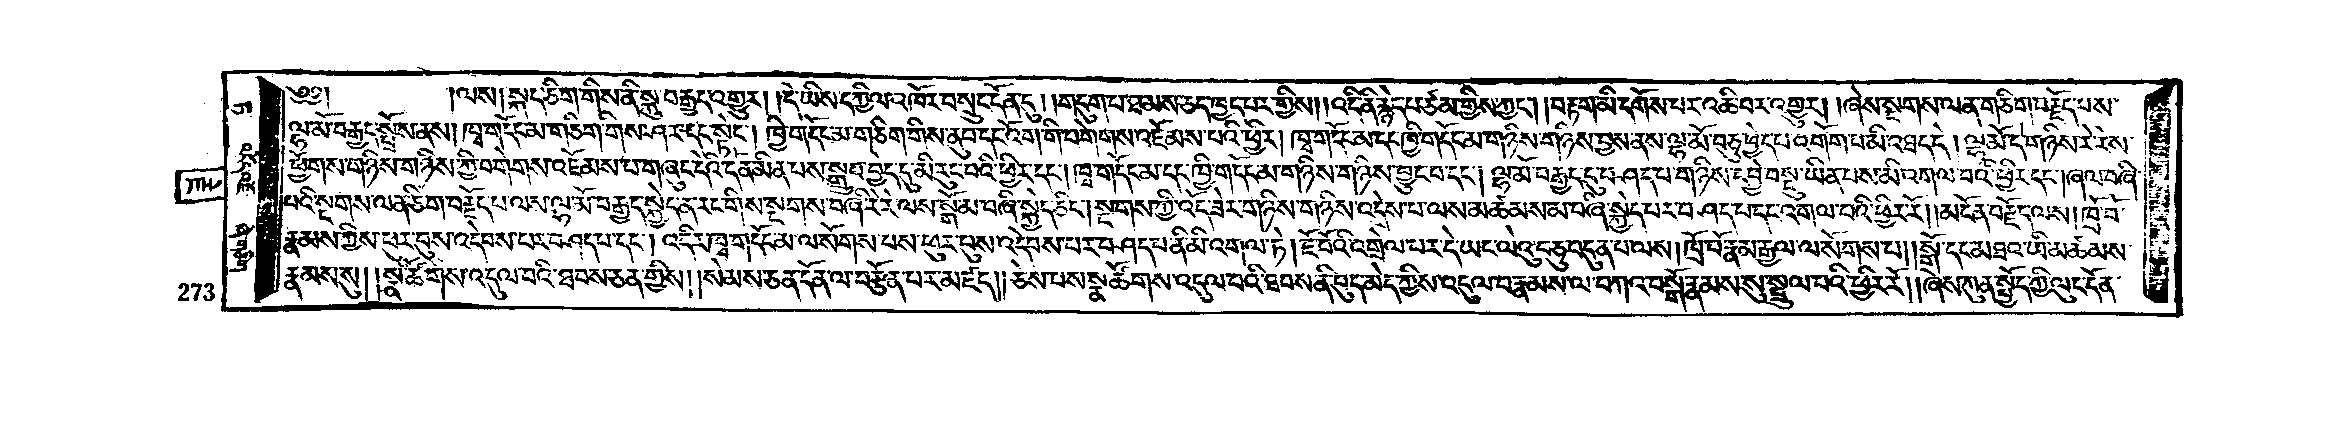༄༅། །ལས། སྐད་ཅིག་གིས་ནི་སྐུ་བརྒྱད་འགྱུར། །དེ་ཡིས་དཀྱིལ་འཁོར་བསྲུང་དོན་དུ། །གདུག་པ་ཐམས་ཅད་ཁྱད་པར་གྱིས། །འདི་ནི་རྙེད་པ་ཙམ་གྱིས་ཀྱང་། །བརྟག་མི་དགོས་པར་འཆི་བར་འགྱུར། །ཞེས་སྔགས་ལན་གཅིག་བརྗོད་པས་
ལྷ་མོ་བརྒྱད་སྤྲོས་ནས། ཁྭ་གདོང་མ་གཅིག་གིས་ཤར་དང་སྟེང་། ཁྱི་གདོང་མ་གཅིག་གིས་ནུབ་དང་འོག་གི་བགེགས་འཇོམས་པའི་ཕྱིར། ཁྭ་གདོང་མ་དང་ཁྱི་གདོང་མ་གཉིས་གཉིས་བྱས་ནས་ལྷ་མོ་བཅུ་ཕྱེད་པ་འགོག་པ་མི་འཐད་དེ། ལྷ་མོ་དེ་གཉིས་རེ་རེས་
ཕྱོགས་གཉིས་གཉིས་ཀྱི་བགེགས་འཇོམས་པ་གཞུང་དེའི་དོན་མིན་པས་སྒྲུབ་བྱེད་དུ་མི་རུང་བའི་ཕྱིར་དང་། ཁྭ་གདོང་མ་དང་ཁྱི་གདོང་མ་གཉིས་གཉིས་བྱུང་བ་དང་། ལྷ་མོ་བརྒྱད་དུ་བཤད་པ་གཉིས་དབྱེ་བསྡུ་ཡིན་པས་མི་འགལ་བའི་ཕྱིར་དང་། ཞལ་བཞི་
པའི་སྔགས་ལན་ཅིག་བརྗོད་པ་ལས་ལྷ་མོ་བརྒྱད་སྐྱེད་ན་རང་གིས་སྔགས་བཞི་རེ་རེ་ལས་སྒོ་མ་བཞི་སྐྱེད་ཅིང་། སྔགས་ཀྱི་འོད་ཟེར་གཉིས་གཉིས་འདྲེས་པ་ལས་མཚམས་མ་བཞི་སྐྱེད་པར་བཤད་པ་དང་འགལ་བའི་ཕྱིར་རོ། །མངོན་བརྗོད་ལས། ཁྲོ་བོ་
རྣམས་ཀྱིས་ཕུར་བུས་འདེབས་པར་བཤད་པ་དང་། འདིར་ཁྭ་གདོང་མ་ལ་སོགས་པས་ཕུར་བུས་འདེབས་པར་བཤད་པ་ནི་མི་འགལ་ཏེ། ཇོ་བོའི་འགྲེལ་པར་དེ་ཡང་ལེའུ་བཅུ་བདུན་པ་ལས། ཁྲོ་བོ་རྣམ་རྒྱལ་ལ་སོགས་པ། །སྒོ་དང་མཐའ་ཡི་མཚམས་
རྣམས་སུ། །སྣ་ཚོགས་འདུལ་བའི་ཐབས་ཅན་གྱིས། །སེམས་ཅན་དོན་ལ་བརྩོན་པར་མཛད། །ཅེས་པས་སྣ་ཚོགས་འདུལ་བའི་ཐབས་ནི་བུད་མེད་ཀྱིས་འདུལ་བ་རྣམས་ལ་བཀའ་བསྒོ་རྣམས་སུ་སྤྲུལ་པའི་ཕྱིར་རོ། །ཞེས་ཀུན་སྤྱོད་ཀྱི་ལུང་དོན་